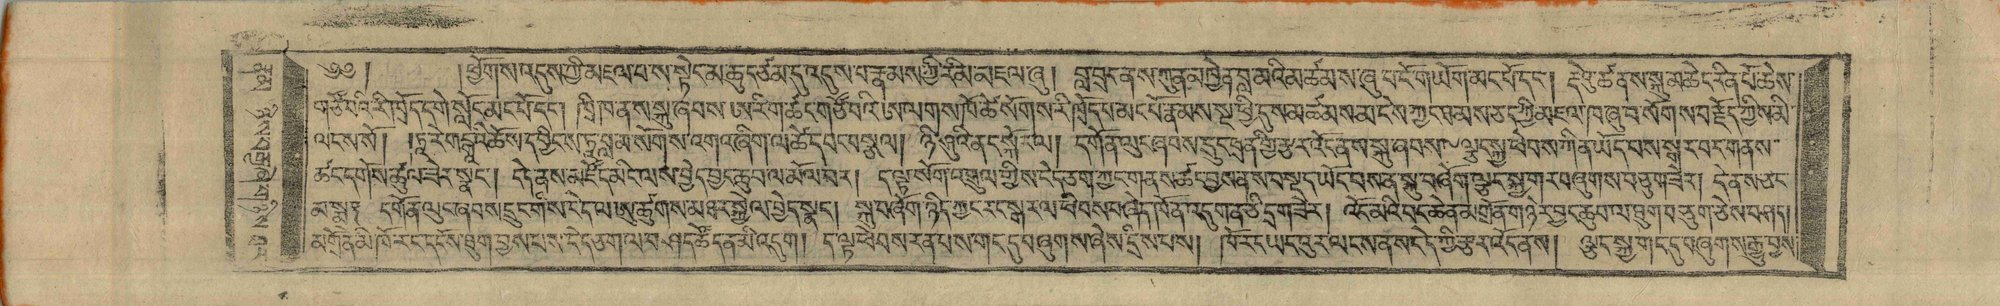༄༅། །ཕྱོགས་འདུས་ཀྱི་མཇལ་པ་ས་སྟེང་མ་ཆུད་ཙམ་དུ་འདུས་པ་རྣམས་ཀྱི་རིམ་མཇལ་ཞུ། བླ་བྲང་ནས་ཀུན་མཁྱེན་བླ་མའི་མཚམས་ཞུ་པ་ངོ་གཡོག་མང་པོ་དང་། རྡེའུ་ཚ་ནས་སྐུ་མཆེད་རིན་པོ་ཆེས་
གཙོ་བའི་རི་ཁྲོད་དགེ་སློང་མང་པོ་དང་། ཁྲི་ཁ་ནས་སྐུ་ཞབས་ཨ་རིག་ཚང་གཙོ་བའི་ཨ་ལགས་ཁོ་ཚེ་སོགས་རི་ཁྲོད་པ་མང་པོ་རྣམས་སྔ་ཕྱི་དུས་མཚམས་མ་ངེས་ཀྱང་ཐམས་ཅད་ཀྱི་མཇལ་ཁ་ཞུ་བ་སོགས་བརྗོད་ཀྱིས་མི་
ལངས་སོ། །ཏཱ་རེ་གངྒཱའི་ཆོས་དབྱིངས་ཏཱ་བླ་མ་སོགས་འགའ་ཞིག་ལ་ཚེ་དབང་བསྩལ། ཉི་ཤུའི་ནང་སྐོར་ལ། དགོན་ལུང་ཞབས་དྲུང་ཕྲན་གྱི་རྩར་འོང་ནས་སྐུ་ཞབས་༧ལྕང་སྐྱ་ཕེབས་ཀིན་ཡོད་པས་སྒར་བར་གནས་
ཚང་དགོས་ཚུལ་ཟེར་སྣང་། ངེད་ནས་མཛོད་མིང་ལས་བྱེད་བྱང་ཆུབ་ལ་མོལ་བར། ད་ལྟ་སོག་འགྲུལ་གྱིས་ངེད་ཅག་ཀྱང་གནས་ཚང་བྱས་ནས་བསྡད་ཡོང་པས་ན་སྐུ་བཞོག་ལྕང་སྐྱ་གར་བཞུགས་བཅུག་ཟེར། དེ་ནས་ཅང་
མ་སྨྲ༑ དགོན་ལུང་ཞབས་དྲུང་གིས་ངེད་ལ་ཨུ་ཚུགས་མཐར་སྐྱེལ་བྱེད་སྣང་། སྐུ་བཞོག་ཉིད་ཀྱང་རང་སྒར་ལ་ཕེབས་བཞེད་ཁོན་འདུག་ན་ཅི་དྲག་ཟེར། འོང་མའི་བང་ཆེན་མགྲོན་གཉེར་བྱང་ཆུབ་ལ་ཐུག་བཅུག་ཅེས་བཤད།
མགྲོན་མི་ཁོ་རང་དངོས་ཐུག་བྱས་པས་ངེད་ཅག་ལ་བཤད་ཚོད་ན་མི་འདུག །ད་ལྟ་ཕེབས་རན་པས་གང་དུ་བཞུགས་ཞེས་དྲིས་པས། ཁོ་རང་ཡང་འུར་ལངས་ནས་ངེད་ཀྱི་རྩར་འོང་ནས། ལྕང་སྐྱ་གང་དུ་བཞུགས་རྒྱུ་བྱས་